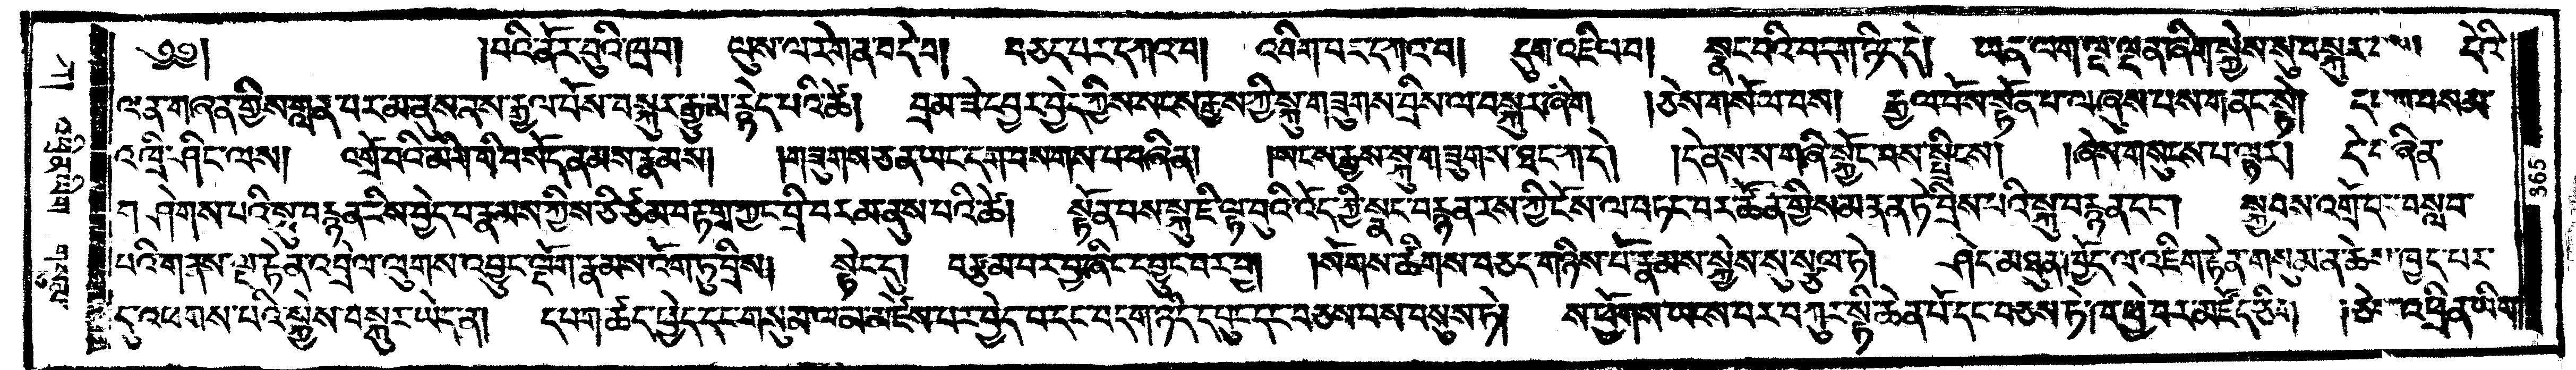༄༅། །བའི་ནོར་བུའི་ཁྲབ། ལུས་ལ་རེག་ན་བདེ་བ། བཅད་པར་དཀའ་བ། །འབིག་པར་དཀའ་བ། དུག་འཇིལ་པ། སྣང་བའི་བདག་ཉིད་དེ། ཡན་ལག་ལྔ་ལྡན་ཞིག་སྐྱེས་སུ་བསྐུར་བས?། དེའི་
ལན་གཞན་གྱིས་གླན་པར་མ་ནུས་ནས་རྒྱལ་པོས་བསྐུར་རྒྱུ་མ་རྙེད་པའི་ཚེ། བྲམ་ཟེ་དབྱར་བྱེད་ཀྱིས་སངས་རྒྱས་ཀྱི་སྐུ་གཟུགས་བྲིས་ལ་བསྐུར་ཞིག །ཅེས་གསོལ་བས། རྒྱལ་པོས་སྟོན་པ་ལ་ཞུས་པས་གནང་སྟེ། པ་?་བསམ་
འཁྲི་ཤིང་ལས། འགྲོ་བའི་མིག་གི་བསོད་ནམས་རྣམས། །གཟུགས་ཅན་ཡང་དག་བསགས་པ་བཞིན། །སངས་རྒྱས་སྐུ་གཟུགས་ཐང་ཀ་དེ། །དེ་ནས་ས་གཞི་སྐྱོང་བས་སྤྲིངས། །ཞེས་གསུངས་པ་ལྟར། དེ་བཞིན?
གཤེགས་པའི་སྐུ་བརྙན་རིས་བྱེད་པ་རྣམས་ཀྱིས་ཅི་ཙམ་བརྟགས་ཀྱང་བྲི་བ་རམ་ནུས་པའི་ཚེ། སྟོན་བས་སྐུ་ཇི་ལྟ་བུའི་འོད་ཀྱི་སྣང་བརྙན་རས་ཀྱི་ངོས་ལ་བཏང་བར་ཚོན་གྱིས་མནན་ཏེ་བྲིས་པའི་སྐུ་བརྙན་དང་། །སྐྱབས་འགྲོ་དང་བསླབ་
པའི་གནས་ལྔ་རྟེན་འབྲེལ་ལུགས་འབྱུང་ལྡོག་རྣམས་འོག་ཏུ་བྲིས། སྟེང་དུ། བརྩམས་པར་བྱ་ཞིང་དབྱུང་བར་བྱ། །སོགས་ཚིགས་བཅད་གཉིས་པོ་རྣམས་སྐྱེས་སུ་སྩལ་ཏེ། ཤེང་མཐུན་ཁྱོད་ལ་འཇིག་རྟེན་གསུམ་ན་ཆེས་ཁྱད་པར་
དུ་འཕགས་པའི་སྐྱེས་བསྐུར་ཡེད་ན། དཔག་ཚད་ཕྱེད་དང་གསུམ་ལམ་མཛེས་པར་བྱེད་པ་དང་བདག་ཉེད་དབུང་དང་བཅས་པས་བསུས་ཏེ། ས་ཕྱོགས་ཡངས་བར་བཀུར་སྟི་ཆེན་པོ་དང་བཅས་ཏེ་ཁ་ཕྱེ་བར་མཛད་ཅིག །ཅེས་འཕྲིན་ཡིག་